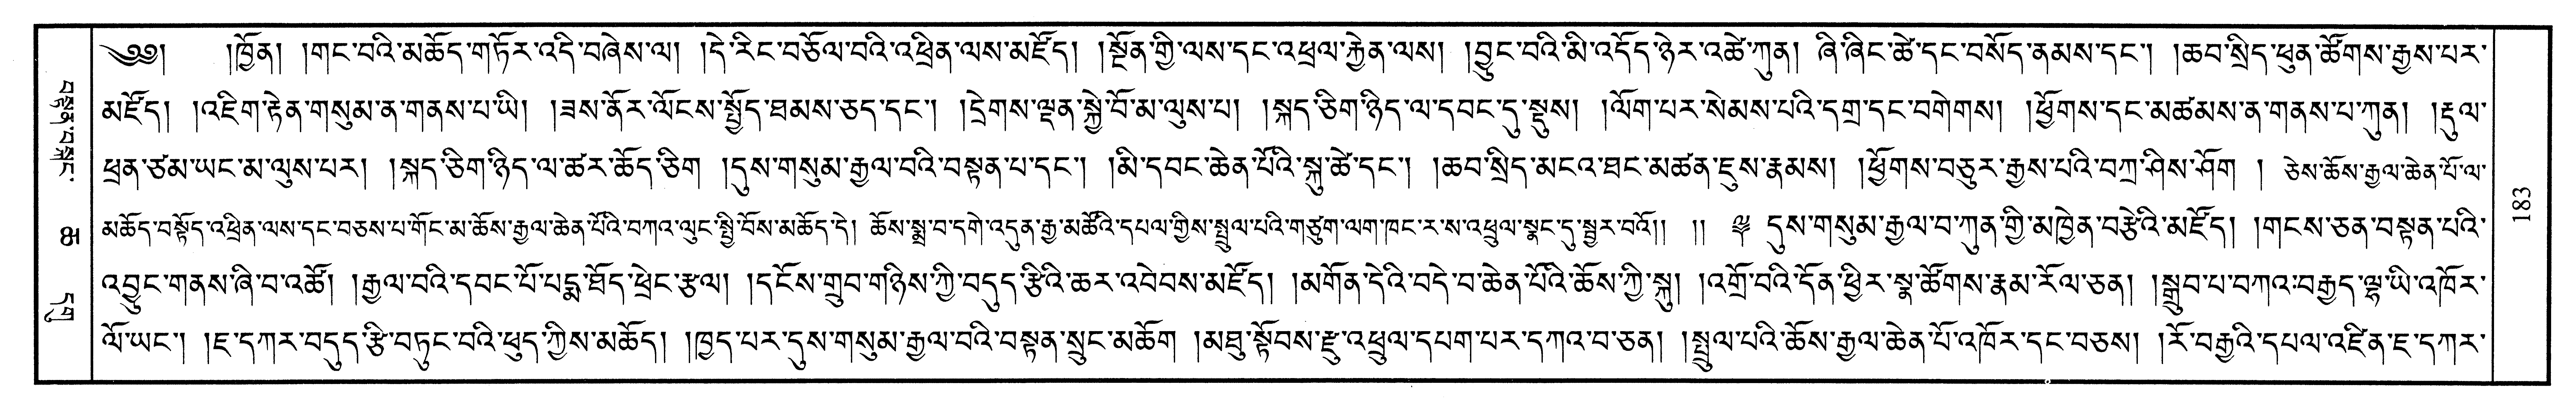༄༅། །ཁྱོན། །གང་བའི་མཆོད་གཏོར་འདི་བཞེས་ལ། །དེ་རིང་བཅོལ་བའི་འཕྲིན་ལས་མཛོད། །སྔོན་གྱི་ལས་དང་འཕྲལ་རྐྱེན་ལས། །བྱུང་བའི་མི་འདོད་ཉེར་འཚེ་ཀུན། ཞི་ཞིང་ཚེ་དང་བསོད་ནམས་དང་། །ཆབ་སྲིད་ཕུན་ཚོགས་རྒྱས་པར་
མཛོད། །འཇིག་རྟེན་གསུམ་ན་གནས་པ་ཡི། །ཟས་ནོར་ལོངས་སྤྱོད་ཐམས་ཅད་དང་། །དྲེགས་ལྡན་སྐྱེ་བོ་མ་ལུས་པ། །སྐད་ཅིག་ཉིད་ལ་དབང་དུ་སྡུས། །ལོག་པར་སེམས་པའི་དགྲ་དང་བགེགས། །ཕྱོགས་དང་མཚམས་ན་གནས་པ་ཀུན། །རྡུལ་
ཕྲན་ཙམ་ཡང་མ་ལུས་པར། །སྐད་ཅིག་ཉིད་ལ་ཚར་ཆོད་ཅིག །དུས་གསུམ་རྒྱལ་བའི་བསྟན་པ་དང་། །མི་དབང་ཆེན་པོའི་སྐུ་ཚེ་དང་། །ཆབ་སྲིད་མངའ་ཐང་མཚན་ཇུས་རྣམས། །ཕྱོགས་བཅུར་རྒྱས་པའི་བཀྲ་ཤིས་ཤོག །ཅེས་ཆོས་རྒྱལ་ཆེན་པོ་ལ་
མཆོད་བསྟོད་འཕྲིན་ལས་དང་བཅས་པ་གོང་མ་ཆོས་རྒྱལ་ཆེན་པོའི་བཀའ་ལུང་སྤྱི་བོས་མཆོད་དེ། ཆོས་སྨྲ་བ་དགེ་འདུན་རྒྱ་མཚོའི་དཔལ་གྱིས་སྤྲུལ་པའི་གཙུག་ལག་ཁང་ར་ས་འཕྲུལ་སྣང་དུ་སྦྱར་བའོ།། །། ༈ དུས་གསུམ་རྒྱལ་བ་ཀུན་གྱི་མཁྱེན་བརྩེའི་མཛོད། །གངས་ཅན་བསྟན་པའི་
འབྱུང་གནས་ཞི་བ་འཚོ། །རྒྱལ་བའི་དབང་པོ་པདམ་ཐོད་ཕྲེང་རྩལ། །དངོས་གྲུབ་གཉིས་ཀྱི་བདུད་རྩིའི་ཆར་འབེབས་མཛོད། །མགོན་དེའི་བདེ་བ་ཆེན་པོའི་ཆོས་ཀྱི་སྐུ། །འགྲོ་བའི་དོན་ཕྱིར་སྣ་ཚོགས་རྣམ་རོལ་ཅན། །སྒྲུབ་པ་བཀའ་བརྒྱད་ལྷ་ཡི་འཁོར་
ལོ་ཡང་། །ཇ་དཀར་བདུད་རྩི་བཏུང་བའི་ཕུད་ཀྱིས་མཆོད། །ཁྱད་པར་དུས་གསུམ་རྒྱལ་བའི་བསྟན་སྲུང་མཆོག །མཐུ་སྟོབས་རྫུ་འཕྲུལ་དཔག་པར་དཀའ་བ་ཅན། །སྤྲུལ་པའི་ཆོས་རྒྱལ་ཆེན་པོ་འཁོར་དང་བཅས། །རོ་བརྒྱའི་དཔལ་འཛིན་ཇ་དཀར་